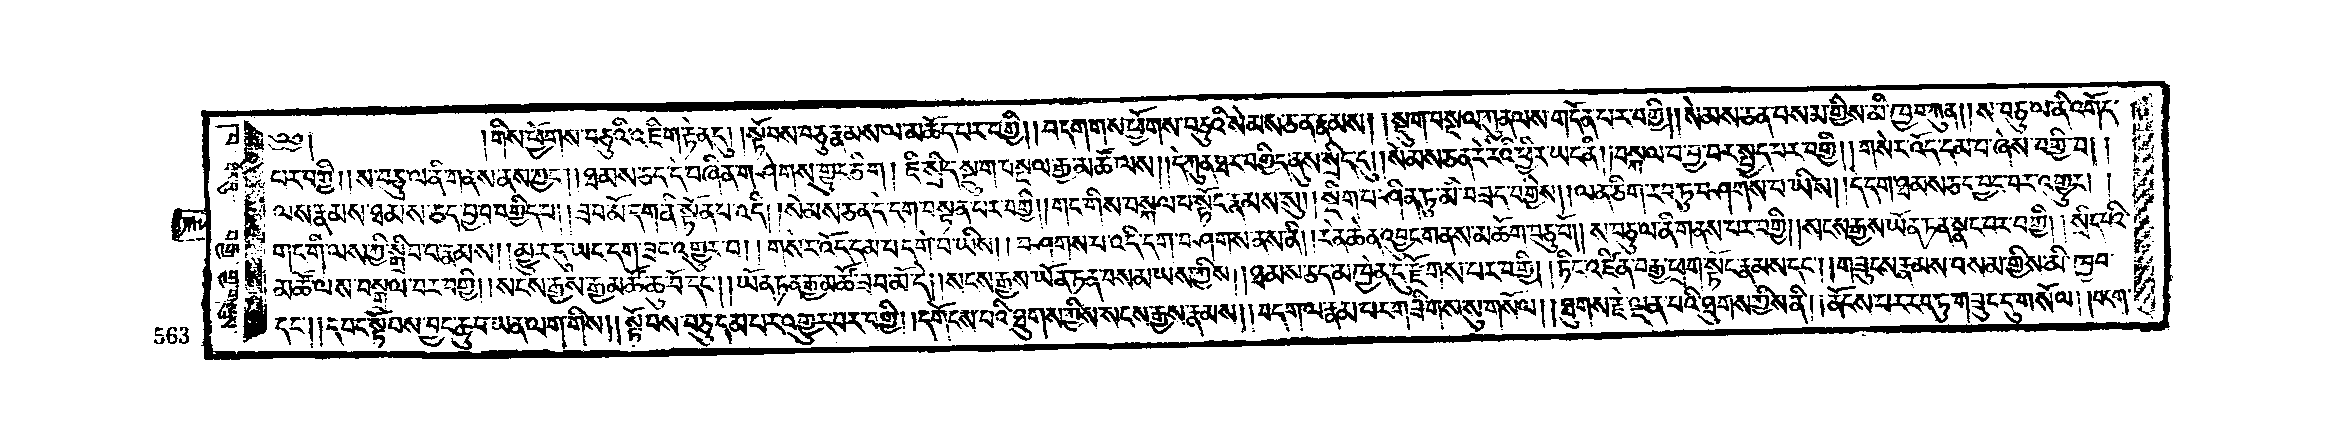༄༅། །གིས་ཕྱོགས་བཅུའི་འཇིག་རྟེན་དུ། །སྟོབས་བཅུ་རྣམས་ལ་མཆོད་པར་བགྱི། །བདག་གིས་ཕྱོགས་བཅུའི་སེམས་ཅན་རྣམས། །སྡུག་བསྔལ་ཀུན་ལས་གདོན་པར་བགྱི། །སེམས་ཅན་བསམ་གྱིས་མི་ཁྱབ་ཀུན། །ས་བཅུ་ལ་ནི་འགོད་
པར་བགྱི། །ས་བཅུ་ལ་ནི་གནས་ནས་ཀྱང་། །ཐམས་ཅད་དེ་བཞིན་གཤེགས་གྱུར་ཅིག །ཇི་སྲིད་སྡུག་བསྔལ་རྒྱ་མཚོ་ལས། །དེ་ཀུན་ཐར་བགྱིད་ནུས་སྲིད་དུ། །སེམས་ཅན་རེ་རེའི་ཕྱིར་ཡང་ནི། །བསྐལ་བ་བྱེ་བར་སྤྱད་པར་བགྱི། །གསེར་འོད་དམ་པ་ཞེས་བགྱི་བ།།
ལས་རྣམས་ཐམས་ཅད་བྱད་བགྱིད་པ། །ཟབ་མོ་དག་ནི་སྟོན་པ་འདི། །སེམས་ཅན་དེ་དག་བསྟན་པར་བགྱི། །གང་གིས་བསྐལ་པ་སྟོང་རྣམས་སུ། །སྡིག་པ་ཤིན་ཏུ་མི་བཟད་བགྱིས། །ལན་ཅིག་རབ་ཏུ་བཤགས་པ་ཡིས། །དེ་དག་ཐམས་ཅད་བྱང་བར་འགྱུར། །
གང་གི་ལས་ཀྱི་སྒྲིབ་པ་རྣམས། །མྱུར་དུ་ཡང་དག་ཟད་འགྱུར་བ། །གསེར་འོད་དམ་པ་དགེ་བ་ཡིས། །བཤགས་པ་འདི་དག་བཤགས་ནས་ནི། །རིན་ཆེན་འབྱུང་གནས་མཆོག་བཅུ་པོ། །ས་བཅུ་ལ་ནི་གནས་པར་བགྱི། །སངས་རྒྱས་ཡོན་ཏན་སྣང་བར་བགྱི། །སྲིད་པའི་
མཚོ་ལས་བསྒྲལ་བར་བགྱི། །སངས་རྒྱས་རྒྱ་མཆེ་ཆུ་བོ་དང་། །ཡོན་ཏན་རྒྱ་མཚོ་ཟབ་མོ་དེ། །སངས་རྒྱས་ཡོན་ཏན་བསམ་ཡས་ཀྱིས། །ཐམས་ཅད་མཁྱེན་དུ་རྫོགས་པར་བགྱི། །ཏིང་འཛིན་བརྒྱ་ཕྲག་སྟོང་རྣམས་དང་། །གཟུངས་རྣམས་བསམ་གྱིས་མི་ཁྱབ་
དང་། །དབང་སྟོབས་བྱང་ཆུབ་ཡན་ལག་གིས། །སྟོབས་བཅུ་དམ་པར་འགྱུར་བར་བགྱི། །དགོངས་པའི་ཐུགས་ཀྱིས་སངས་རྒྱས་རྣམས། །བདག་ལ་རྣམ་པར་གཟིགས་སུ་གསོལ། །ཐུགས་རྗེ་ལྡན་པའི་ཐུགས་ཀྱིས་ནི། །ནོངས་པར་རབ་ཏུ་གཟུང་དུ་གསོལ། །བདག་